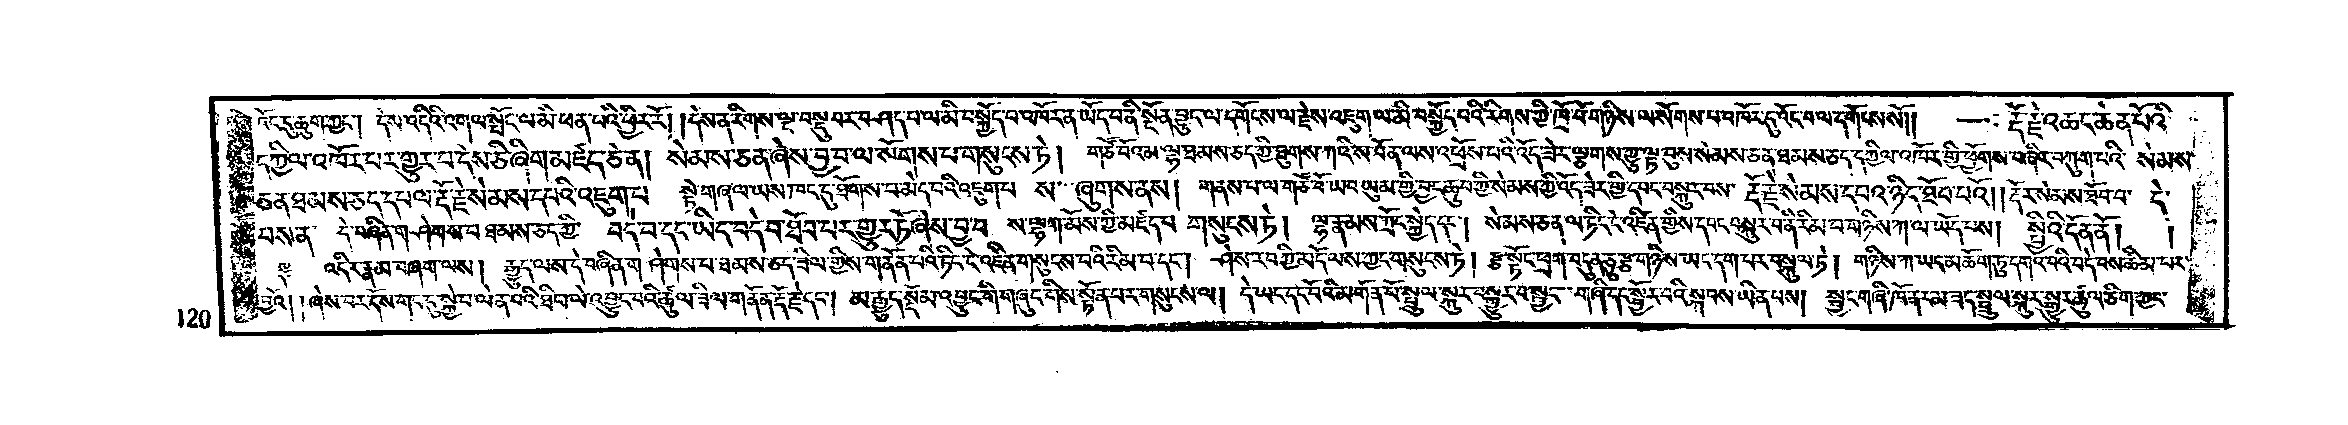འོང་དུ་ཆུག་ཀྱང་། དེས་འདིའི་འགལ་སྤོང་ལ་མི་ཕན་པའི་ཕྱིར་རོ། །དེས་ན་རིགས་ལྔ་བསྡུ་བར་བཤད་པ་ལ་མི་བསྐྱོད་པ་འཁོར་ན་ཡོད་པ་ནི་སྔོན་བྱུང་ལ་དགོངས་ལ་རྗེས་འཇུག་ལ་མི་བསྐྱོད་པའི་རིགས་ཀྱི་ཁྲོ་བོ་གཉིས་ལ་སོགས་པ་འཁོར་དུ་འོང་བ་ལ་དགོངས་སོ།།  རྡོ་རྗེ་འཆང་ཆེན་པོའི་
དཀྱིལ་འཁོར་བར་གྱུར་པ་དེས་ཅི་ཞིག་མཛད་ཅེ་ན། སེམས་ཅན་ཞེས་བྱ་བ་ལ་སོགས་པ་གསུངས་ཏེ། གཙོ་བོའམ་ལྷ་ཐམས་ཅད་ཀྱི་ཐུགས་ཀའི་ས་བོན་ལས་འཕྲོས་པའི་འོད་ཟེར་ལྕགས་ཀྱུ་ལྟ་བུས་སེམས་ཅན་ཐམས་ཅད་དཀྱིལ་འཁོར་གྱི་ཕྱོགས་བཞིར་བཀུག་པའི་སེམས་
ཅན་ཐམས་ཅད་དཔལ་རྡོ་རྗེ་སེམས་དཔའི་འཇུག་པ་སྟེ་གཞལ་ཡས་ཁང་དུ་ཐོགས་པ་མེད་པའི་འཇུག་པས་ཞུགས་ནས། གནས་པ་ལ་གཙོ་བོ་ཡབ་ཡུམ་གྱི་བྱང་ཆུབ་ཀྱི་སེམས་ཀྱི་འོད་ཟེར་གྱི་དབང་བསྐུར་བས་རྡོ་རྗེ་སེམས་དཔའ་ཉིད་ཐོབ་པའོ། །རྡོར་སེམས་ཐོབ་པ་དེ་
བས་ན་དེ་བཞིན་གཤེགས་པ་ཐམས་ཅད་ཀྱི་བདེ་བ་དང་ཡིད་བདེ་བ་ཐོབ་པར་གྱུར་ཏོ་ཞེས་བྱ་བ་ས་ལྷག་མོས་ཀྱི་མཛད་པ་གསུངས་ཏེ། ལྷ་རྣམས་ཀྲོང་སྐྱེད་དང་། སེམས་ཅན་ལ་ཏིང་ངེ་འཛིན་གྱིས་དབང་བསྐུར་བ་ནི་རིམ་པ་གཉིས་ཀ་ལ་ཡོད་པས།  སྤྱིའི་དོན་ནོ། །
༈ འདིར་རྣམ་བཞག་ལས། རྒྱུད་ལས་དེ་བཞིན་གཤེགས་པ་ཐམས་ཅད་ཟིལ་གྱིས་གནོན་པའི་ཏིང་ངེ་འཛིན་གསུངས་པའི་རིམ་པ་དང་། ཤེས་རབ་ཀྱི་མདོ་ལས་ཀྱང་གསུངས་ཏེ། རྩ་སྟོང་ཕྲག་བདུན་ཅུ་རྩ་གཉིས་ཡང་དག་པར་བསྐུལ་ཏེ། གཉིས་ཀ་ཡང་མཆོག་ཏུ་དགའ་བའི་བདེ་བས་ཚིམ་པར་
བྱའོ། །ཞེས་བར་རྡོས?་གང་དུ་སྐྱེ་བ་ལེན་པའི་ཐིག་ལེ་འབྱུང་བའི་ཚུལ་ཟིལ་གནོན་རྡོ་རྗེ་དང་། མ་རྒྱུད་སྡོམ་འབྱུང་གི་གཞུང་གིས་སྟོན་པར་གསུངས་ལ། དེ་ཡང་དང་པོའི་མགོན་པོ་སྤྲུལ་སྐུར་བསྒྱུར་བ་སྦྱང་གཞི་དང་སྦྱོར་བའི་སྐབས་ཡིན་པས། སྦྱང་གཞི་ཁོ་ནར་མ་ཟད་སྤྲུལ་སྐུར་སྒྱུར་ཚུལ་ཅིག་ཀྱང་